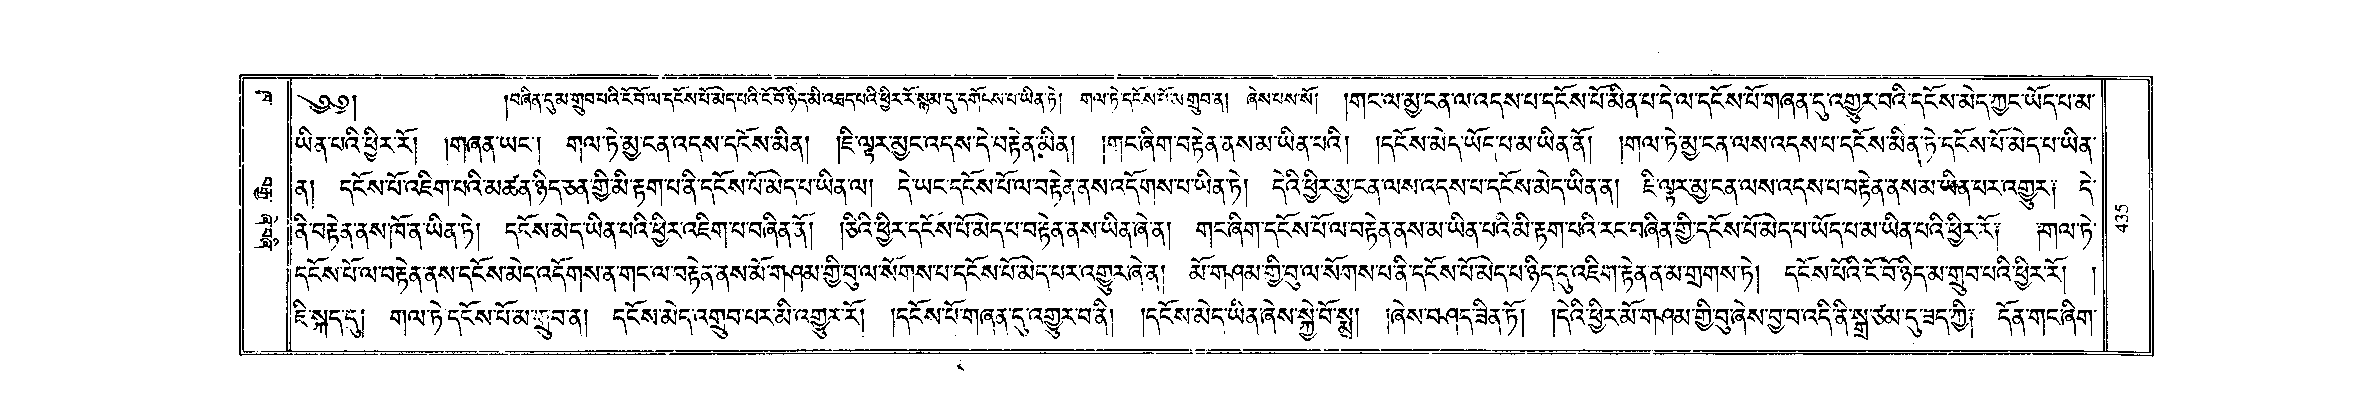༄༅། །བཞིན་དུ་མ་གྲུབ་པའི་ངོ་བོ་ལ་དངོས་པོ་མེད་པའི་ངོ་བོ་ཉིད་མི་འཐད་པའི་ཕྱིར་རོ་སྙམ་དུ་དགོངས་པ་ཡིན་ཏེ། གལ་ཏེ་དངོས་པོ་མ་གྲུབ་ན། ཞེས་པས་སོ། །གང་ལ་མྱ་ངན་ལ་འདས་པ་དངོས་པོ་མིན་པ་དེ་ལ་དངོས་པོ་གཞན་དུ་འགྱུར་བའི་དངོས་མེད་ཀྱང་ཡོད་པ་མ་
ཡིན་པའི་ཕྱིར་རོ། །གཞན་ཡང་། གལ་ཏེ་མྱ་ངན་འདས་དངོས་མིན། །ཇི་ལྟར་མྱང་འདས་དེ་བརྟེན་མིན། །གང་ཞིག་བརྟེན་ནས་མ་ཡིན་པའི། །དངོས་མེད་ཡོད་པ་མ་ཡིན་ནོ། །གལ་ཏེ་མྱ་ངན་ལས་འདས་པ་དངོས་མིན་ཏེ་དངོས་པོ་མེད་པ་ཡིན་
ན། དངོས་པོ་འཇིག་པའི་མཚན་ཉིད་ཅན་གྱི་མི་རྟག་པ་ནི་དངོས་པོ་མེད་པ་ཡིན་ལ། དེ་ཡང་དངོས་པོ་ལ་བརྟེན་ནས་འདོགས་པ་ཡིན་ཏེ། དེའི་ཕྱིར་མྱ་ངན་ལས་འདས་པ་དངོས་མེད་ཡིན་ན། ཇི་ལྟར་མྱ་ངན་ལས་འདས་པ་བརྟེན་ནས་མ་ཡིན་པར་འགྱུར། དེ་
ནི་བརྟེན་ནས་ཁོ་ན་ཡིན་ཏེ། དངོས་མེད་ཡིན་པའི་ཕྱིར་འཇིག་པ་བཞིན་ནོ། །ཅིའི་ཕྱིར་དངོས་པོ་མེད་པ་བརྟེན་ནས་ཡིན་ཞེ་ན། གང་ཞིག་དངོས་པོ་ལ་བརྟེན་ནས་མ་ཡིན་པའི་མི་རྟག་པའི་རང་བཞིན་གྱི་དངོས་པོ་མེད་པ་ཡོད་པ་མ་ཡིན་པའི་ཕྱིར་རོ༑ ༑གལ་ཏེ་
དངོས་པོ་ལ་བརྟེན་ནས་དངོས་མེད་འདོགས་ན་གང་ལ་བརྟེན་ནས་མོ་གཤམ་གྱི་བུ་ལ་སོགས་པ་དངོས་པོ་མེད་པར་འགྱུར་ཞེ་ན། མོ་གཤམ་གྱི་བུ་ལ་སོགས་པ་ནི་དངོས་པོ་མེད་པ་ཉིད་དུ་འཇིག་རྟེན་ན་མ་གྲགས་ཏེ། དངོས་པོའི་ངོ་བོ་ཉིད་མ་གྲུབ་པའི་ཕྱིར་རོ། །
ཇི་སྐད་དུ། གལ་ཏེ་དངོས་པོ་མ་གྲུབ་ན། དངོས་མེད་འགྲུབ་པར་མི་འགྱུར་རོ། །དངོས་པོ་གཞན་དུ་འགྱུར་བ་ནི། །དངོས་མེད་ཡིན་ཞེས་སྐྱེ་བོ་སྨྲ། །ཞེས་བཤད་ཟིན་ཏོ། །དེའི་ཕྱིར་མོ་གཤམ་གྱི་བུ་ཞེས་བྱ་བ་འདི་ནི་སྒྲ་ཙམ་དུ་ཟད་ཀྱི། དོན་གང་ཞིག་